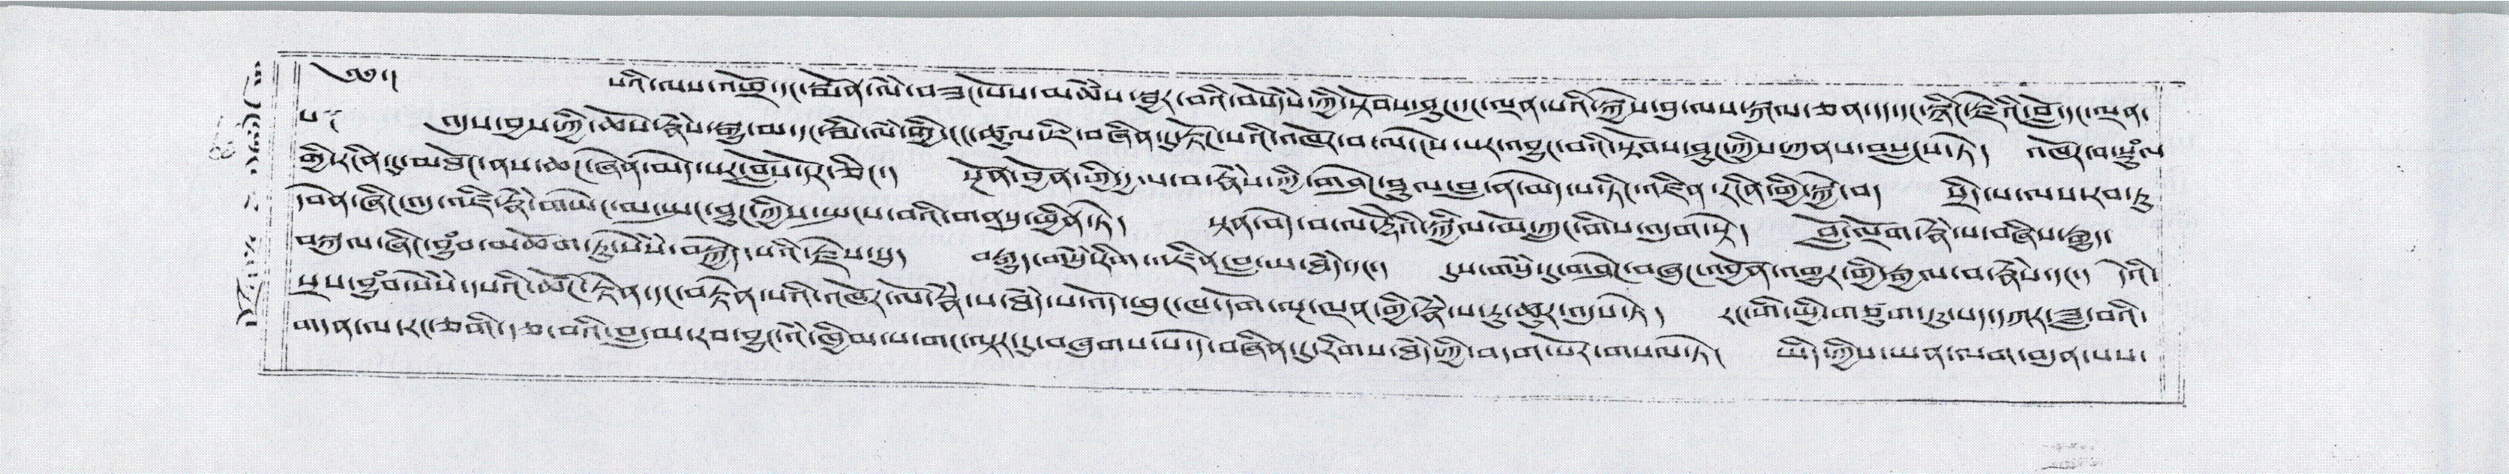པའི་ལས་འཕྲོ་དང་སྨོན་ལམ་བཟང་པོས་མཚམས་སྦྱར་བའི་ལས་བསོད་ནམས་ཀྱི་སྟོབས་ཤུགས་དང་ལྡན་པའི་སྐྱེས་བུ་ལས་སྐལ་ཅན་དད་ལྡན་དང་སྙིང་རྗེའི་བློ་དང་ལྡན་
པ། འདུས་བྱས་ཀྱི་ཆོས་རྣམས་སྒྱུ་མ་དང་རྨི་ལམ་གྱི་ངང་ཚུལ་ཇི་བཞིན་དུ་རྟོགས་པའི་འཁོར་བ་ལ་ངེས་པར་འབྱུང་བའི་སྟོབས་ཤུགས་ཀྱིས་ཀུན་ནས་བསླངས་ཏེ། འཁོར་བ་སྡུག་བསྔལ་
གྱི་རང་བཞིན་དུ་མཐོང་ནས་ཆགས་ཞེན་མེད་པར་བློས་དོར་ཅིང་། སྔོན་བྱོན་གྱི་རྒྱལ་བ་རྣམས་ཀྱི་གཤེགས་ཤུལ་བླ་ན་མེད་པ་ཏིང་འཛིན་རང་བཞིན་གྱིས་སྐྱེ་བ། སྲིད་པ་ལས་རབ་ཏུ་
དབེན་ཞིང་འདུ་འཛི་རྣམ་གཡེང་མ་སྤང་ཤུགས་ཀྱིས་སྤང་བའི་གནས་སུ་ཕྱིན་ཏེ། སྟན་བདེ་ལ་རྡོ་རྗེའི་སྐྱིལ་མོ་ཀྲུང་གིས་འདུག་སྟེ། བློ་ལྡོག་རྣམ་པ་བཞིས་རྒྱུད་
བསྐུལ་ཞིང་བྱང་ཆུབ་མཆོག་ཏུ་སེམས་བསྐྱེད་པའི་རྗེས་སུ། བརྒྱུད་གསུམ་རིག་འཛིན་བླ་མ་ཐམས་ཅད་དང་། དུས་གསུམ་དུ་གཤེགས་ཤུལ་འབྱོན་འགྱུར་གྱི་རྒྱལ་བ་རྣམས་དང་། དེའི་
སྲས་བྱང་ཆུབ་སེམས་དཔའི་ཚོགས་རྟེན་དང་བརྟེན་པའི་འཁོར་ལོ་རྣམ་པ་ཐམས་ཅད་པ་འོད་ཕུང་ཁ་དོག་ལྔ་ལྡན་གྱི་རྣམ་པ་རུ་ཚུར་འདུས་ཏེ། རང་གི་སྤྱི་གཙུག་ཏུ་པད་དཀར་ཟླ་བའི་
གདན་ལ་རང་ཅག་གི་རྩ་བའི་བླ་མ་རབ་བྱུང་ངམ་ཁྱིམ་པ་གང་ལྟར་བཞུགས་པ་དེ་བཞིན་དུ་རིགས་ཐམས་ཅད་ཀྱི་བདག་པོར་གསལ་ཏེ། ཡིད་ཀྱིས་ཡན་ལག་བདུན་པས་